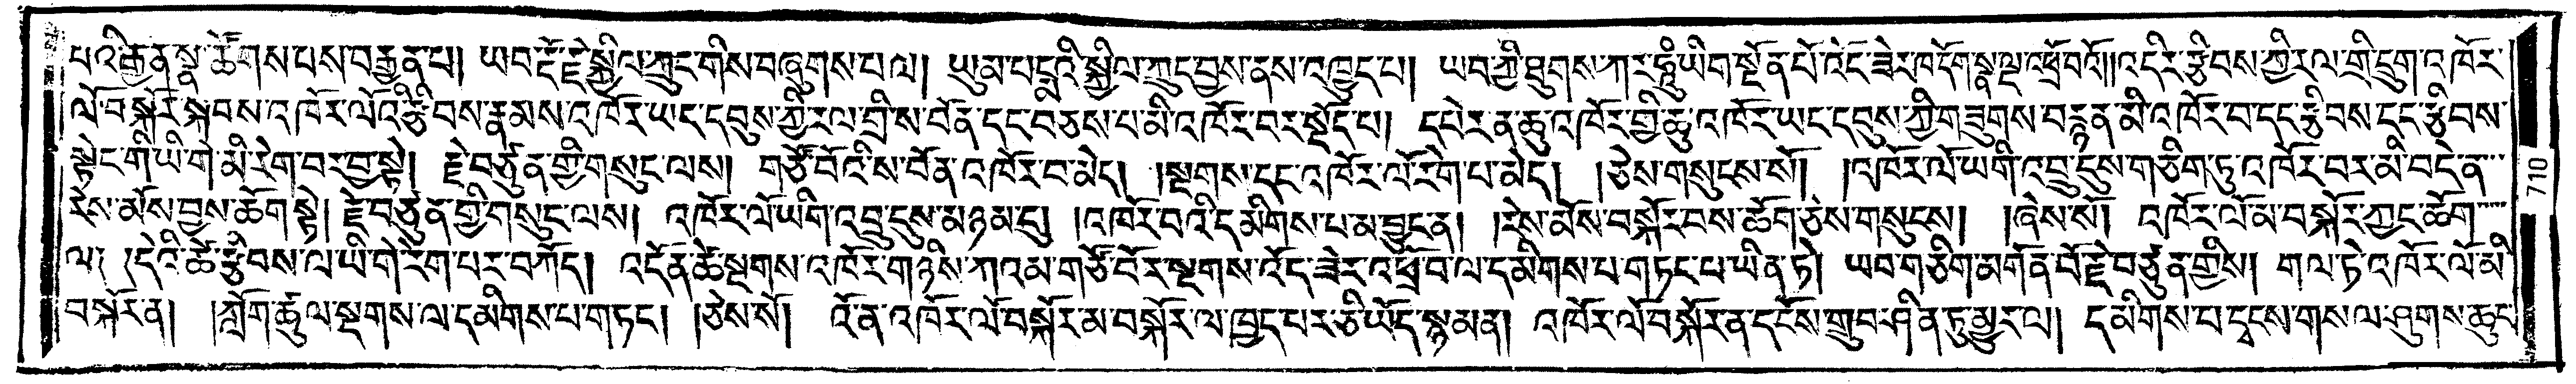པའི་རྒྱན་སྣ་ཚོགས་པས་བརྒྱན་པ། ཡབ་རྡོ་རྗེ་སྐྱིལ་ཀྲུང་གིས་བཞུགས་པ་ལ། ཡུམ་པདམའི་སྐྱིལ་ཀྲུང་བྱས་ནས་འཁྱུད་པ། ཡབ་ཀྱི་ཐུགས་ཀར་ཧཱུཾ་ཡིག་སྔོན་པོ་འོད་ཟེར་ཁ་དོག་སྣ་ལྔ་འཕྲོ་བའོ། །འདིར་རྩིབས་ཀྱི་རལ་གྲི་དྲུག་འཁོར་
ལོ་བསྐོར་སྐབས་འཁོར་ལོའི་རྩིབས་རྣམས་འཁོར་ཡང་དབུས་ཀྱི་རལ་གྲི་ས་བོན་དང་བཅས་པ་མི་འཁོར་བར་སྡོད་པ། དཔེར་ན་ཆུ་འཁོར་གྱི་ཆུ་འཁོར་ཡང་དབུས་ཀྱི་གཟུགས་བརྙན་མི་འཁོར་བ་དང་རྩིབས་དང་རྩིབས་
སྟེང་གི་ཡི་གེ་མི་རེག་བར་བྱ་སྟེ། རྗེ་བཙུན་གྱི་གསུང་ལས། གཙོ་བོའི་ས་བོན་འཁོར་བ་མེད། །སྔགས་དང་འཁོར་ལོ་རེག་པ་མེད། །ཅེས་གསུངས་སོ། །འཁོར་ལོ་ཡི་གེ་འབྲུ་དུས་གཅིག་ཏུ་འཁོར་བར་མི་བདེ་ན་
རེས་མོས་བྱས་ཆོག་སྟེ། རྗེ་བཙུན་གྱི་གསུང་ལས། འཁོར་ལོ་ཡིག་འབྲུ་དུས་མཉམ་དུ། །འཁོར་བའི་དམིགས་པ་མ་བྱུང་ན། །རེས་མོས་བསྐོར་བས་ཆོག་ཅེས་གསུངས། །ཞེས་སོ། འཁོར་ལོ་མ་བསྐོར་ཀྱང་ཆོག་
ལ༑ ༑དེའི་ཚེ་རྩིབས་ལ་ཡི་གེ་རེག་པར་བཀོད། འདོན་ཚེ་སྔགས་འཁོར་གཉིས་ཀའམ་གཙོ་བོར་སྔགས་འོད་ཟེར་འཕྲོ་བ་ལ་དམིགས་པ་གཏང་པ་ཡིན་ཏེ། ཡབ་གཅིག་མགོན་པོ་རྗེ་བཙུན་གྱིས། གལ་ཏེ་འཁོར་ལོ་མི་
བསྐོར་ན། །ཀློག་ཚུལ་སྔགས་ལ་དམིགས་པ་གཏང་། །ཅེས་སོ། འོ་ན་འཁོར་ལོ་བསྐོར་མ་བསྐོར་ལ་ཁྱད་པར་ཅི་ཡོད་སྙམ་ན། འཁོར་ལོ་བསྐོར་ན་དངོས་གྲུབ་ཤིན་ཏུ་མྱུར་ལ། དམིགས་པ་དྭངས་གསལ་ཤུགས་ཆུང་